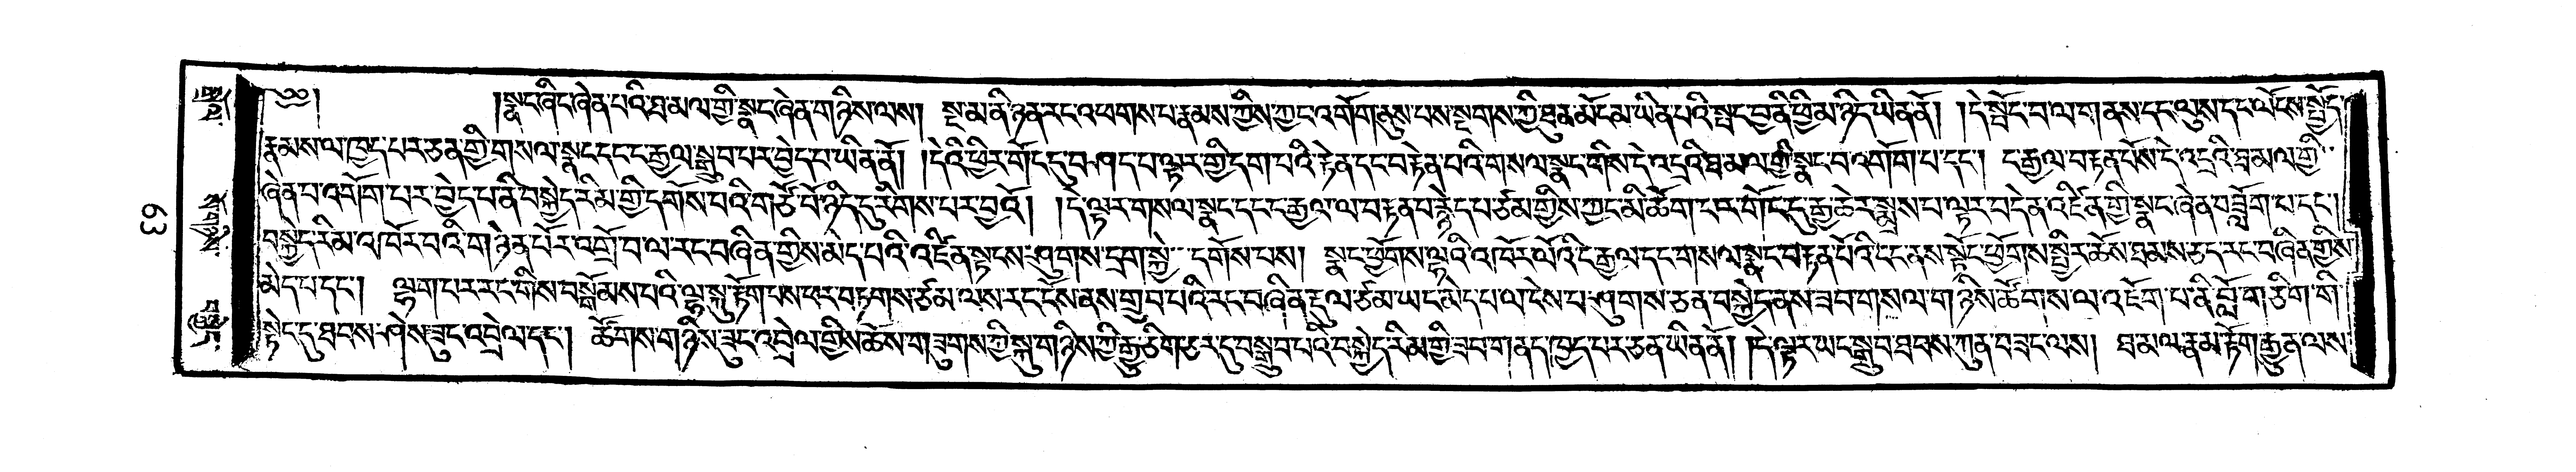༄༅། །སྣང་ཞིང་ཞེན་པའི་ཐ་མལ་གྱི་སྣང་ཞེན་གཉིས་ལས། སྔ་མ་ནི་ཉན་རང་འཕགས་པ་རྣམས་ཀྱིས་ཀྱང་འགོག་ནུས་པས་སྔགས་ཀྱི་ཐུན་མོང་མ་ཡིན་པའི་སྤང་བྱ་ནི་ཕྱི་མ་ཉིད་ཡིན་ནོ། །དེ་སྤོང་བ་ལ་གནས་དང་ལུས་དང་ལོངས་སྤྱོད་
རྣམས་ལ་ཁྱད་པར་ཅན་གྱི་གསལ་སྣང་དང་ང་རྒྱལ་སྒྲུབ་པར་བྱེད་པ་ཡིན་ནོ། །དེའི་ཕྱིར་གོང་དུ་བཤད་པ་ལྟར་གྱི་དག་པའི་རྟེན་དང་བརྟེན་པའི་གསལ་སྣང་གིས་དེ་འདྲའི་ཐ་མལ་གྱི་སྣང་བ་འགོག་པ་དང་། ང་རྒྱལ་བརྟན་ངོས་དེ་འདྲའི་ཐ་མལ་གྱི་
ཞེན་པ་འགོག་པར་བྱེད་པ་ནི་བསྐྱེད་རིམ་གྱི་དགོས་པའི་གཙོ་བོ་ཉིད་དུ་རིག་བར་བྱའོ། །དེ་ལྟར་གསལ་སྣང་དང་ང་རྒྱལ་ལ་བརྟན་པ་རྙེད་པ་ཙམ་གྱིས་ཀྱང་མི་ཆོག་པར་གོང་དུ་རྒྱ་ཆེར་སྨྲས་པ་ལྟར་བདེན་འཛིན་གྱི་སྣང་ཞེན་བཟློག་པ་དང་།
བསྐྱེད་རིམ་འཁོར་བའི་གཉེན་པོར་འགྲོ་བ་ལ་རང་བཞིན་གྱིས་མེད་པའི་འཛིན་སྟངས་ཤུགས་དྲག་སྒྱེང་དགོས་པས། སྣང་ཕྱོགས་ལྷའི་འཁོར་ལོའི་ང་རྒྱལ་དང་གསལ་སྣང་བརྟན་པོའི་ངང་ནས་སྟོང་ཕྱོགས་སྤྱིར་ཆོས་ཐམས་ཅད་རང་བཞིན་གྱིས་
མེད་པ་དང་། ལྷག་པར་རང་གིས་བསྒོམས་པའི་ལྷ་སྐུ་རྟོག་པས་ཕར་བཏགས་ཙམ་ལས་རང་ངོས་ནས་གྲུབ་པའི་རང་བཞིན་རྡུལ་ཙམ་ཡང་མེད་པ་ལ་ངེས་པ་ཤུགས་ཅན་བསྐྱེད་ནས་ཟབ་གསལ་གཉིས་ཚོགས་ལ་འཇོག་པ་ནི་བློ་གཅིག་གི་
སྟེང་དུ་ཐབས་ཤེས་ཟུང་འབྲེལ་དང་། ཚོགས་གཉིས་ཟུང་འབྲེལ་གྱིས་ཆོས་གཟུགས་ཀྱི་སྐུ་གཉིས་ཀྱི་རྒྱུ་ཅིག་ཅར་དུ་བསྒྲུབ་པའི་བསྐྱེད་རིམ་གྱི་ཟབ་གནད་ཁྱད་པར་ཅན་ཡིན་ནོ། །དེ་ལྟར་ཡང་སྒྲུབ་ཐབས་ཀུན་བཟང་ལས། ཐ་མལ་རྣམ་རྟོག་རྒྱུན་ལས་